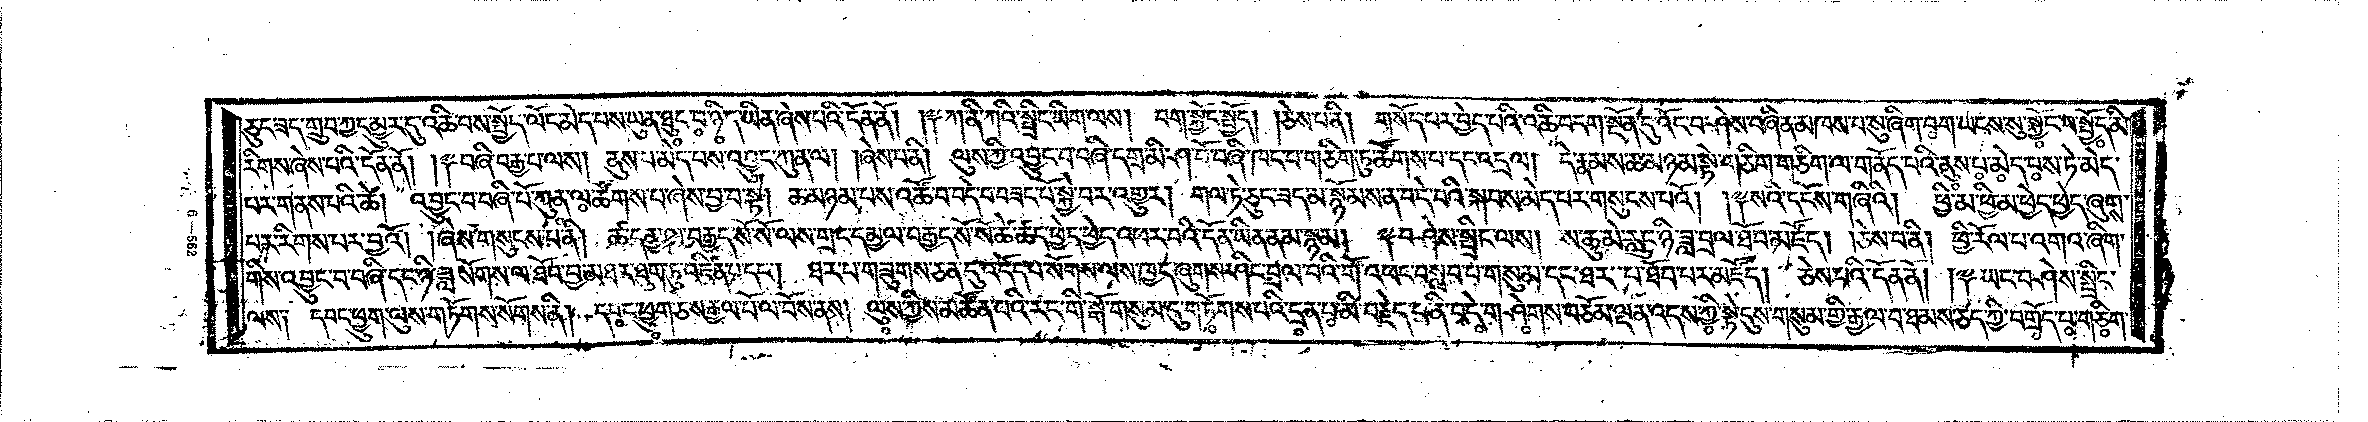ཅུང་ཟད་གྲུབ་ཀྱང་མྱུར་དུ་འཆི་བས་སྤྱོད་ལོང་མེད་པས་ཡུན་ཐུང྾་བ྾་ཉིད྾་ཡིན་ཞེས་པའི་དོན་ནོ། །༈ ཀ་ནི་ཀའི་སྤྲིང་ཡིག་ལས། བག་སྐྱོང་སྤྱོད། །ཅེས་པ་ནི། གསོད་པར་བྱེད་པའི་འཆི་བདག་སྔོན་དུ་འོང་བ་བཤེས་བཞིན་མཁས་པ་སུ་ཞིག་བག྾་ཡངས་སུ་སྐྱོང྾་བ་སྤྱོད྾་མི་
རིགས་ཞེས་པའི་དོན་ནོ། །༈ བཞི་བརྒྱ་པ་ལས། ནུས་པ་མེད་པས་འབྱུང་ཀུན་ལ། །ཞེས་པ་ནི། ལུས་ཀྱི་འབྱུང་བ་བཞི་དགྲ་མི་ཤ་བོ་བཞི་ཁང་པ་གཅིག་ཏུ་ཚོགས་པ་དང་འདྲ་ལ། དེ་རྣམས་ཆ་མཉམ་སྟེ་གཅིག་གཅིག་ལ་གནོད་པའི་ནུས་པ྾་མེད྾་པས྾་ཏེ་མེད་
པར་གནས་པའི་ཚེ། འབྱུང་བ་བཞི་པོ་ཀུན་ལ྾་ཚོགས་པ་ཞེས་བྱ་བ་སྟེ། ཆ་མཉམ་པས་འཚོ་བ་བདེ་བ་བཟང་པོ་སྐྱེ་བར་འགྱུར། གལ་ཏེ་ཅུང་ཟད་མ་སྙོམས་ན་བདེ་བའི་སྐབས་མེད་པར་གསུངས་པའོ། །༈ སའི་དངོས་གཞིའི། ཕྱི་མ་ཕྱི་མ་ཕྱེད་ཕྱེད་ཞུགས་
པར་རིགས་པར་བྱའོ། །ཞེས་གསུངས་པ་ནི། ཚ་དམྱལ་བརྒྱད་སོ་སོ་ལས་གྲང་དམྱལ་བརྒྱད་སོ་སོ་ཚེ་ཚད་ཕྱེད་ཕྱེད་འཕར་བའི་དོན་ཡིན་ནམ་སྙམ། ༈ བཤེས་སྤྲིང་ལས། ས་ཆུ་མེ་རླུང་ཉི་ཟླ་བྲལ་ཐོབ་མཛོད། །ཅེས་བ་ནི། ཕྱི་རོལ་པ་འགའ་ཞིག་
གིས་འབྱུང་བ་བཞི་དང་ཉི་ཟླ་སོགས་ལ་ཐོབ་བྱ་མཐར་ཐུག་ཏུ་འཛིན་པ་དང་། ཐར་པ་གཟུགས་ཅན་དུ་འདོད་པ་སོགས་ལས་ཁྱད་ཞུགས་ཤིང་བྲལ་བའི་གོ་འཕང་བསླབ་པ་གསུམ་དང་ཐར་པ་ཐོབ་པར་མཛོད། ཅེས་པའི་དོན་ནོ། །༈ ཡང་བཤེས་སྤྲིང་
ལས༑ དབང་ཕྱུག་ལུས་གཏོགས་སོགས་ནི། དབང྾་ཕྱུག྾་ཅེས་རྒྱལ་པོ་ལ་བོས་ནས། ལུས྾་ཀྱིས་མཚོན་པའི་རང་གི་སྒོ་གསུམ་དུ་གཏོགས྾་པའི་དྲན྾་པ྾་མི་བརྗེད་པ་ནི་བདེ྾་གཤེགས྾་བཅོམ་ལྡན་འདས་ཀྱི྾་སྟེ་དུས་གསུམ་གྱི་རྒྱལ་བ་ཐམས་ཅད་ཀྱི་བགྲོད྾་པ྾་གཅིག྾་